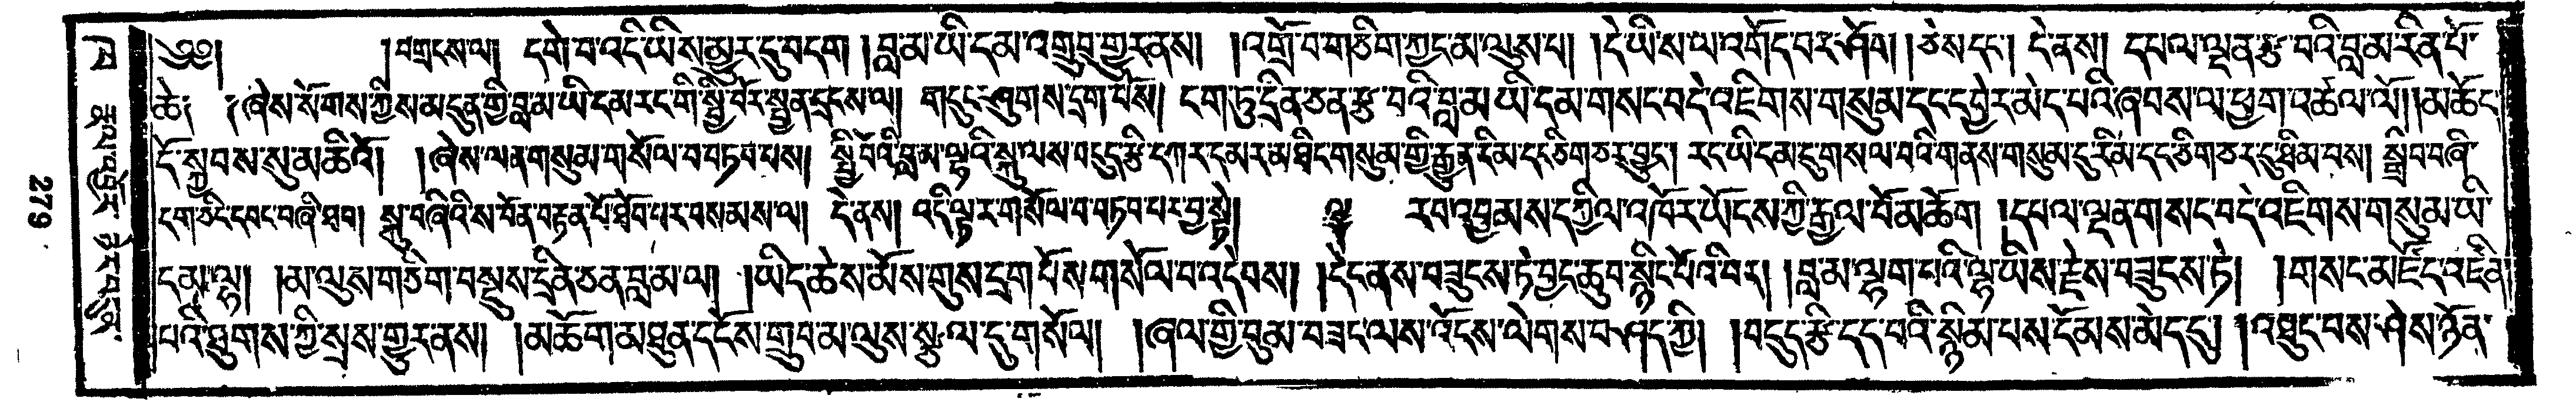༄༅། །བགྲངས་ལ། དགེ་བ་འདི་ཡིས་མྱུར་དུ་བདག །བླ་མ་ཡི་དམ་འགྲུབ་གྱུར་ནས། །འགྲོ་བ་གཅིག་ཀྱང་མ་ལུས་པ། །དེ་ཡི་ས་ལ་འགོད་བར་ཤོག །ཅེས་དང་། དེ་ནས། དཔལ་ལྡན་རྩ་བའི་བླ་མ་རིན་པོ་
ཆེ༑ ༑ཞེས་སོགས་ཀྱིས་མདུན་གྱི་བླ་མ་ཡི་དམ་རང་གི་སྤྱི་བོར་སྤྱན་དྲངས་ལ། གདུང་ཤུགས་དྲག་པོས། ངག་ཏུ་དྲིན་ཅན་རྩ་བའི་བླ་མ་ཡི་དམ་གསང་བདེ་འཇིགས་གསུམ་དང་དབྱེར་མེད་པའི་ཞབས་ལ་ཕྱག་འཚལ་ལོ། །མཆོད་
དོ་སྐྱབས་སུ་མཆིའོ། །ཞེས་ལན་གསུམ་གསོལ་བ་བཏབ་པས། སྤྱི་བོའི་བླ་མ་ལྷའི་སྐུ་ལས་བདུད་རྩི་དཀར་དམར་མཐིང་གསུམ་གྱི་རྒྱུན་རིམ་དང་ཅིག་ཅར་བྱུང་། རང་ཡི་དམ་དུ་གསལ་བའི་གནས་གསུམ་དུ་རིམ་དང་ཅིག་ཅར་དུ་ཐིམ་པས། སྒྲིབ་བཞི་
དག་ཅིང་དབང་བཞི་ཐབ། སྐུ་བཞིའི་ས་བོན་བརྟན་པོ་ཐོབ་པར་བསམས་ལ། དེ་ནས། འདི་ལྟར་གསོལ་བ་བཏབ་པར་བྱ་སྟེ། ༈ རབ་འབྱམས་དཀྱིལ་འཁོར་ཡོངས་ཀྱི་རྒྱལ་བོ་མཆོག །དཔལ་ལྡན་གསང་བདེ་འཇིགས་གསུམ་ཡི་
དམ་ལྷ། །མ་ལུས་གཅིག་བསྡུས་དྲིན་ཅན་བླ་མ་ལ། །ཡིད་ཆེས་མོས་གུས་དྲག་པོས་གསོལ་བ་འདེབས། །དེང་ནས་བཟུངས་ཏེ་བྱང་ཆུབ་སྙིང་པོའི་བར། །བླ་མ་ལྷག་པའི་ལྷ་ཡིས་རྗེས་བཟུངས་ཏེ། །གསང་མཛོད་འཛིན་
པའི་ཐུགས་ཀྱི་སྲས་གྱུར་ནས། །མཆོག་མཐུན་དངོས་གྲུབ་མ་ལུས་སྩལ་དུ་གསོལ། །ཞལ་གྱི་བུམ་བཟང་ལས་འོངས་ལེགས་བཤད་ཀྱི། །བདུད་རྩི་དད་པའི་སྙིམ་པས་ངོམས་མེད་དུ། །འཐུང་བས་ཤེས་ཉོན་